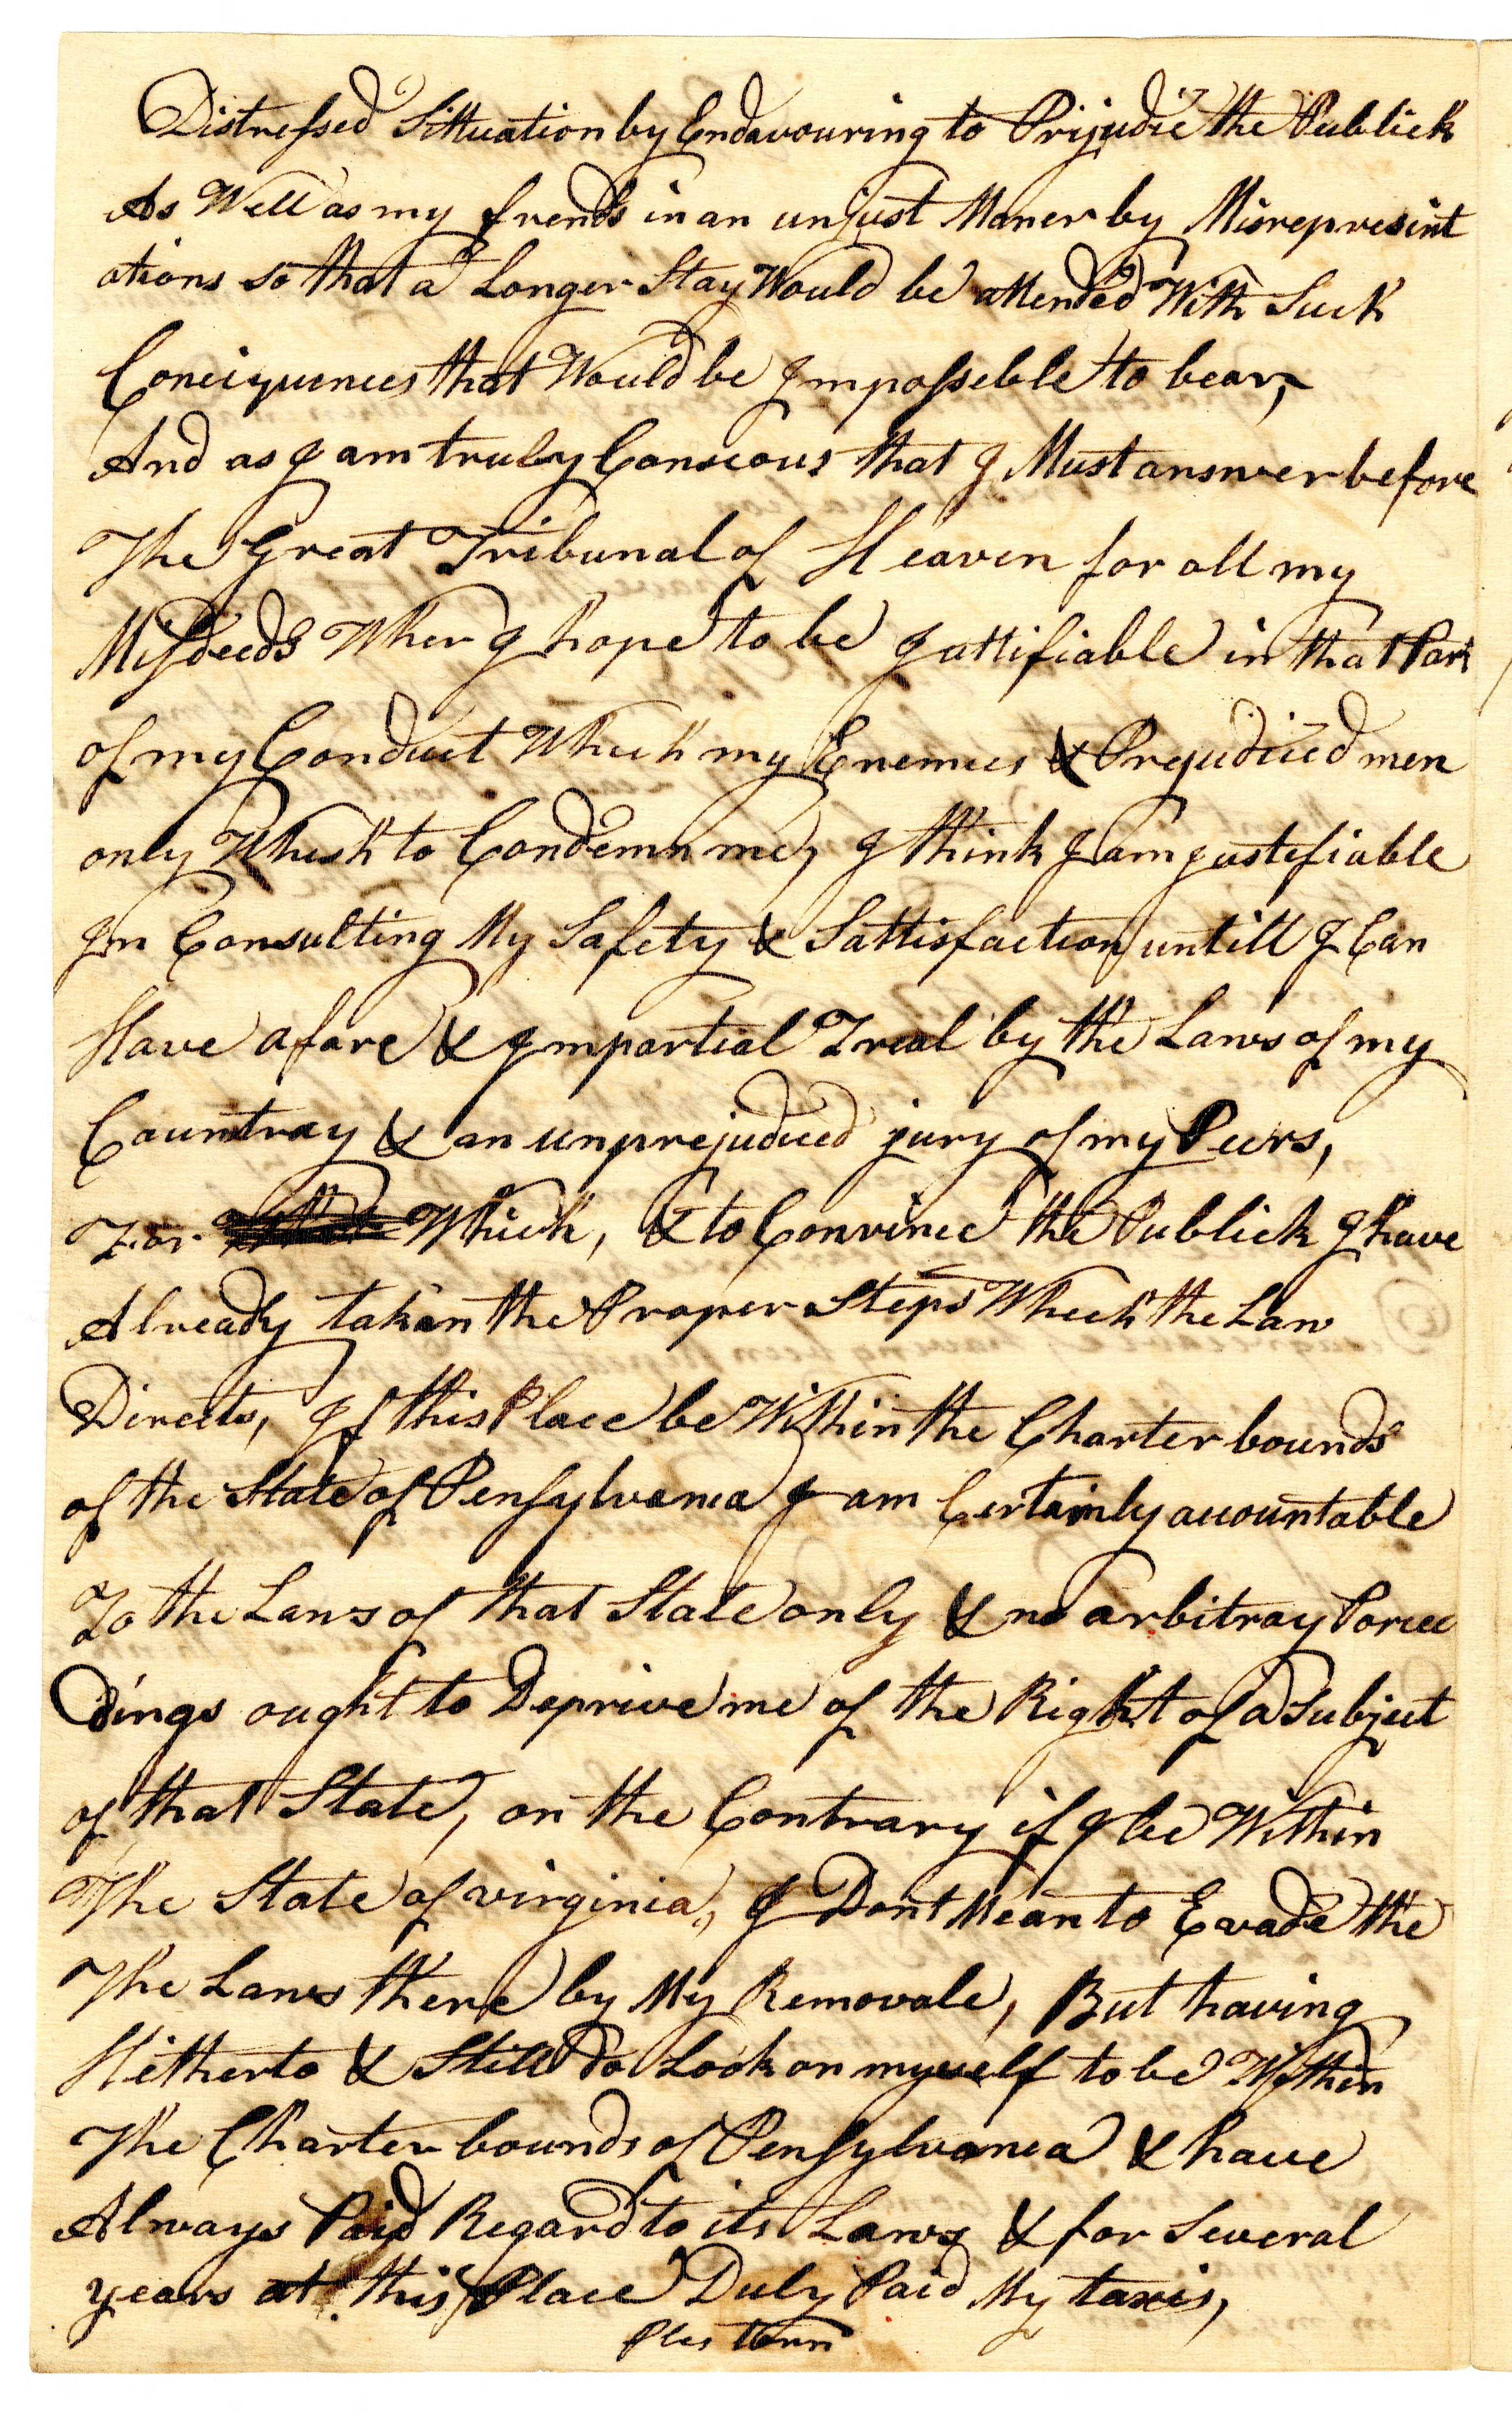Distressed Situation by Endeavouring to Prejudic the Publick
As Well as my frends in an unjust Maner by Misrepresent
ations so that a Longer Stay would be attended With Such
Conciquences that Would be Impossible to bear,
And as I am truly Conscious that I Must answer before
The Great Tribunal of Heaven for all my
Misdeeds Wher I hope to be justifiable in that Part
of my Conduct Which my Enemies & Prejudiced men
only Whish to Condemn may I think I am justifiable
In Consulting My Safety & Sattisfaction untill I Can
Have afare & impartial Trial by the Laws of my
Countray & an unprejudiced jury of my Peers,
For [_____] Which, & to Convince the Publick I have
Already taken the Proper Steps Which the Law
Directs, If this Place be Wither the Charter bounds
of the State of Pensylvania I am Certainly accountable
To the Laws of that State only & no arbitray Porce
dings ought to Deprive me of the Right of a subject
of that State, on the Contrary if I be Within
The State of virginia, & Don^t Mean to Evade the
The Laws there by My Removale, But having
Hitherto & Still to Look on myself to be Wither
the Charter bounds of Pensylvania, & have
Always Paid Regard to its Laws & for several
years at this Place Duly Paid My taxes,
Ples town